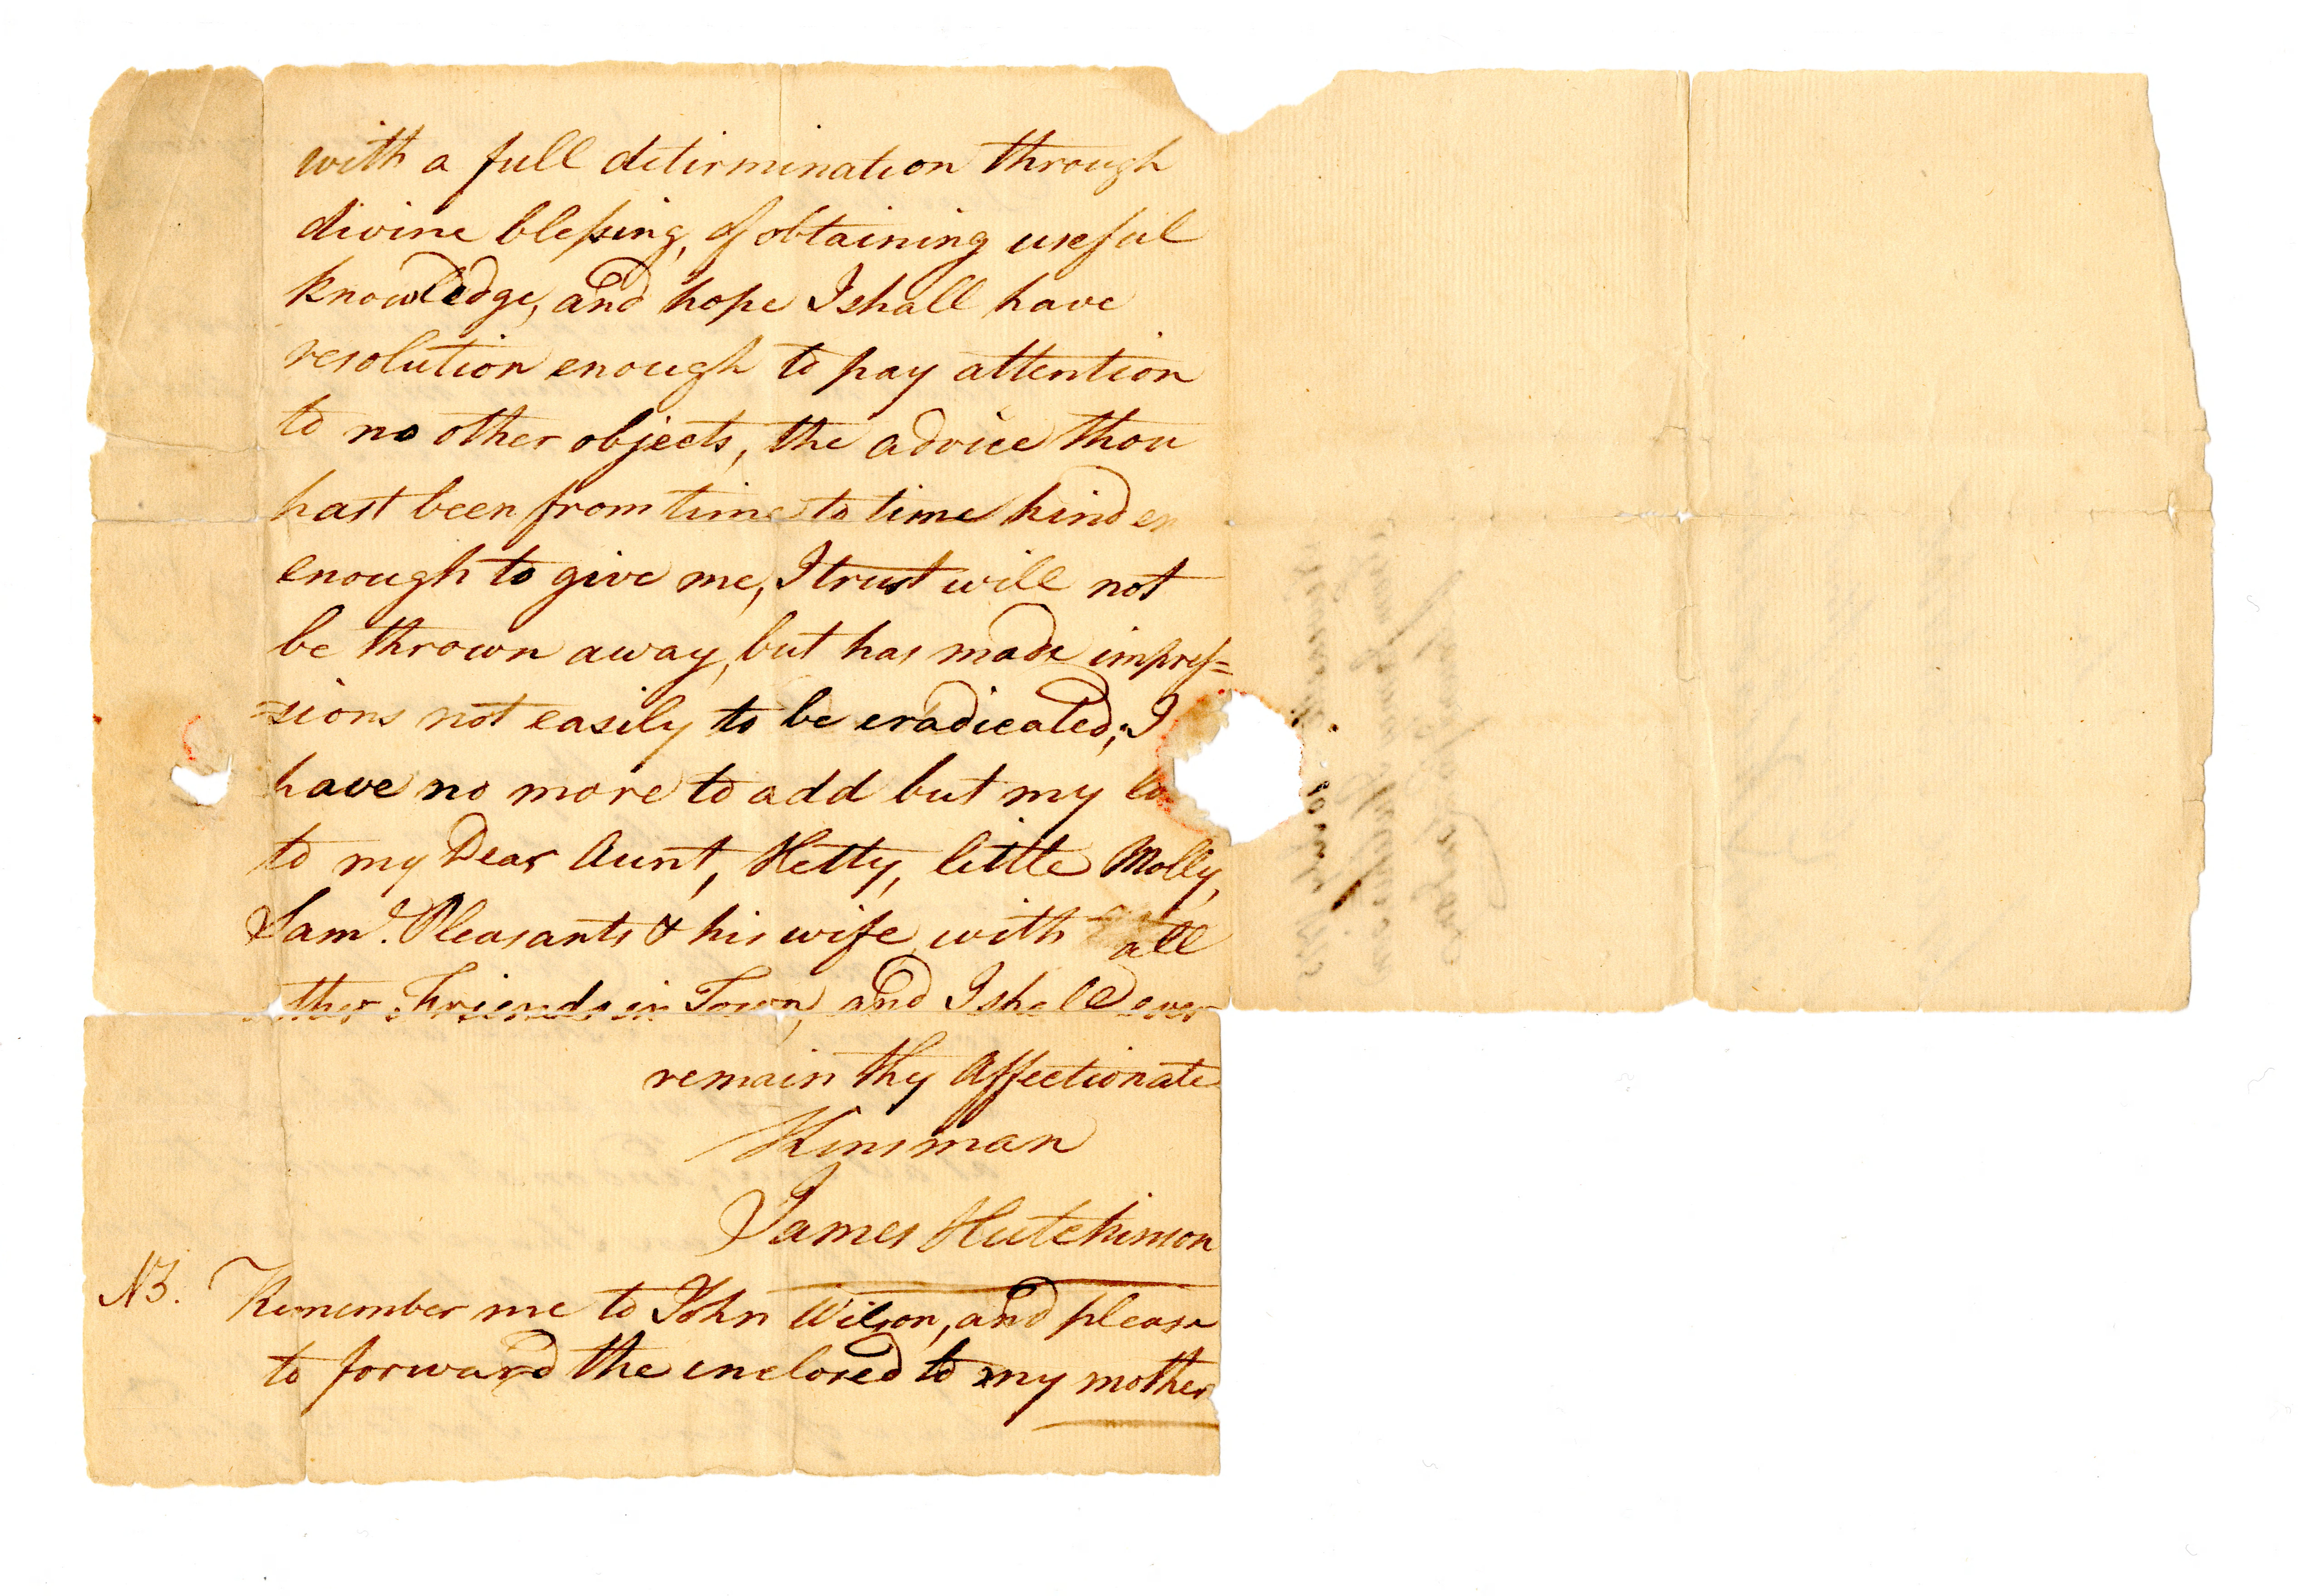with a full determination through
divine blessing, of obtaining useful
knowledge, and hope I shall have
resolution enough to pay attention
to no other objects, the advice thou
hast been from time time time kind en
enough to give one, I trust will not
be thrown away, but has made impres-
-sions not easily to be eradicated, I
have no more to add but my lo[_]
to my Dear Aunt, Hetty, little Molly,
Sam^l. Pleasants & his wife, with all
thy Friends in Town, and I shall ever
remain thy affectionate
Kinsman
James Hutchinson
NB. Remember me to John Wilson, and please
to forward the enclosed to my mother